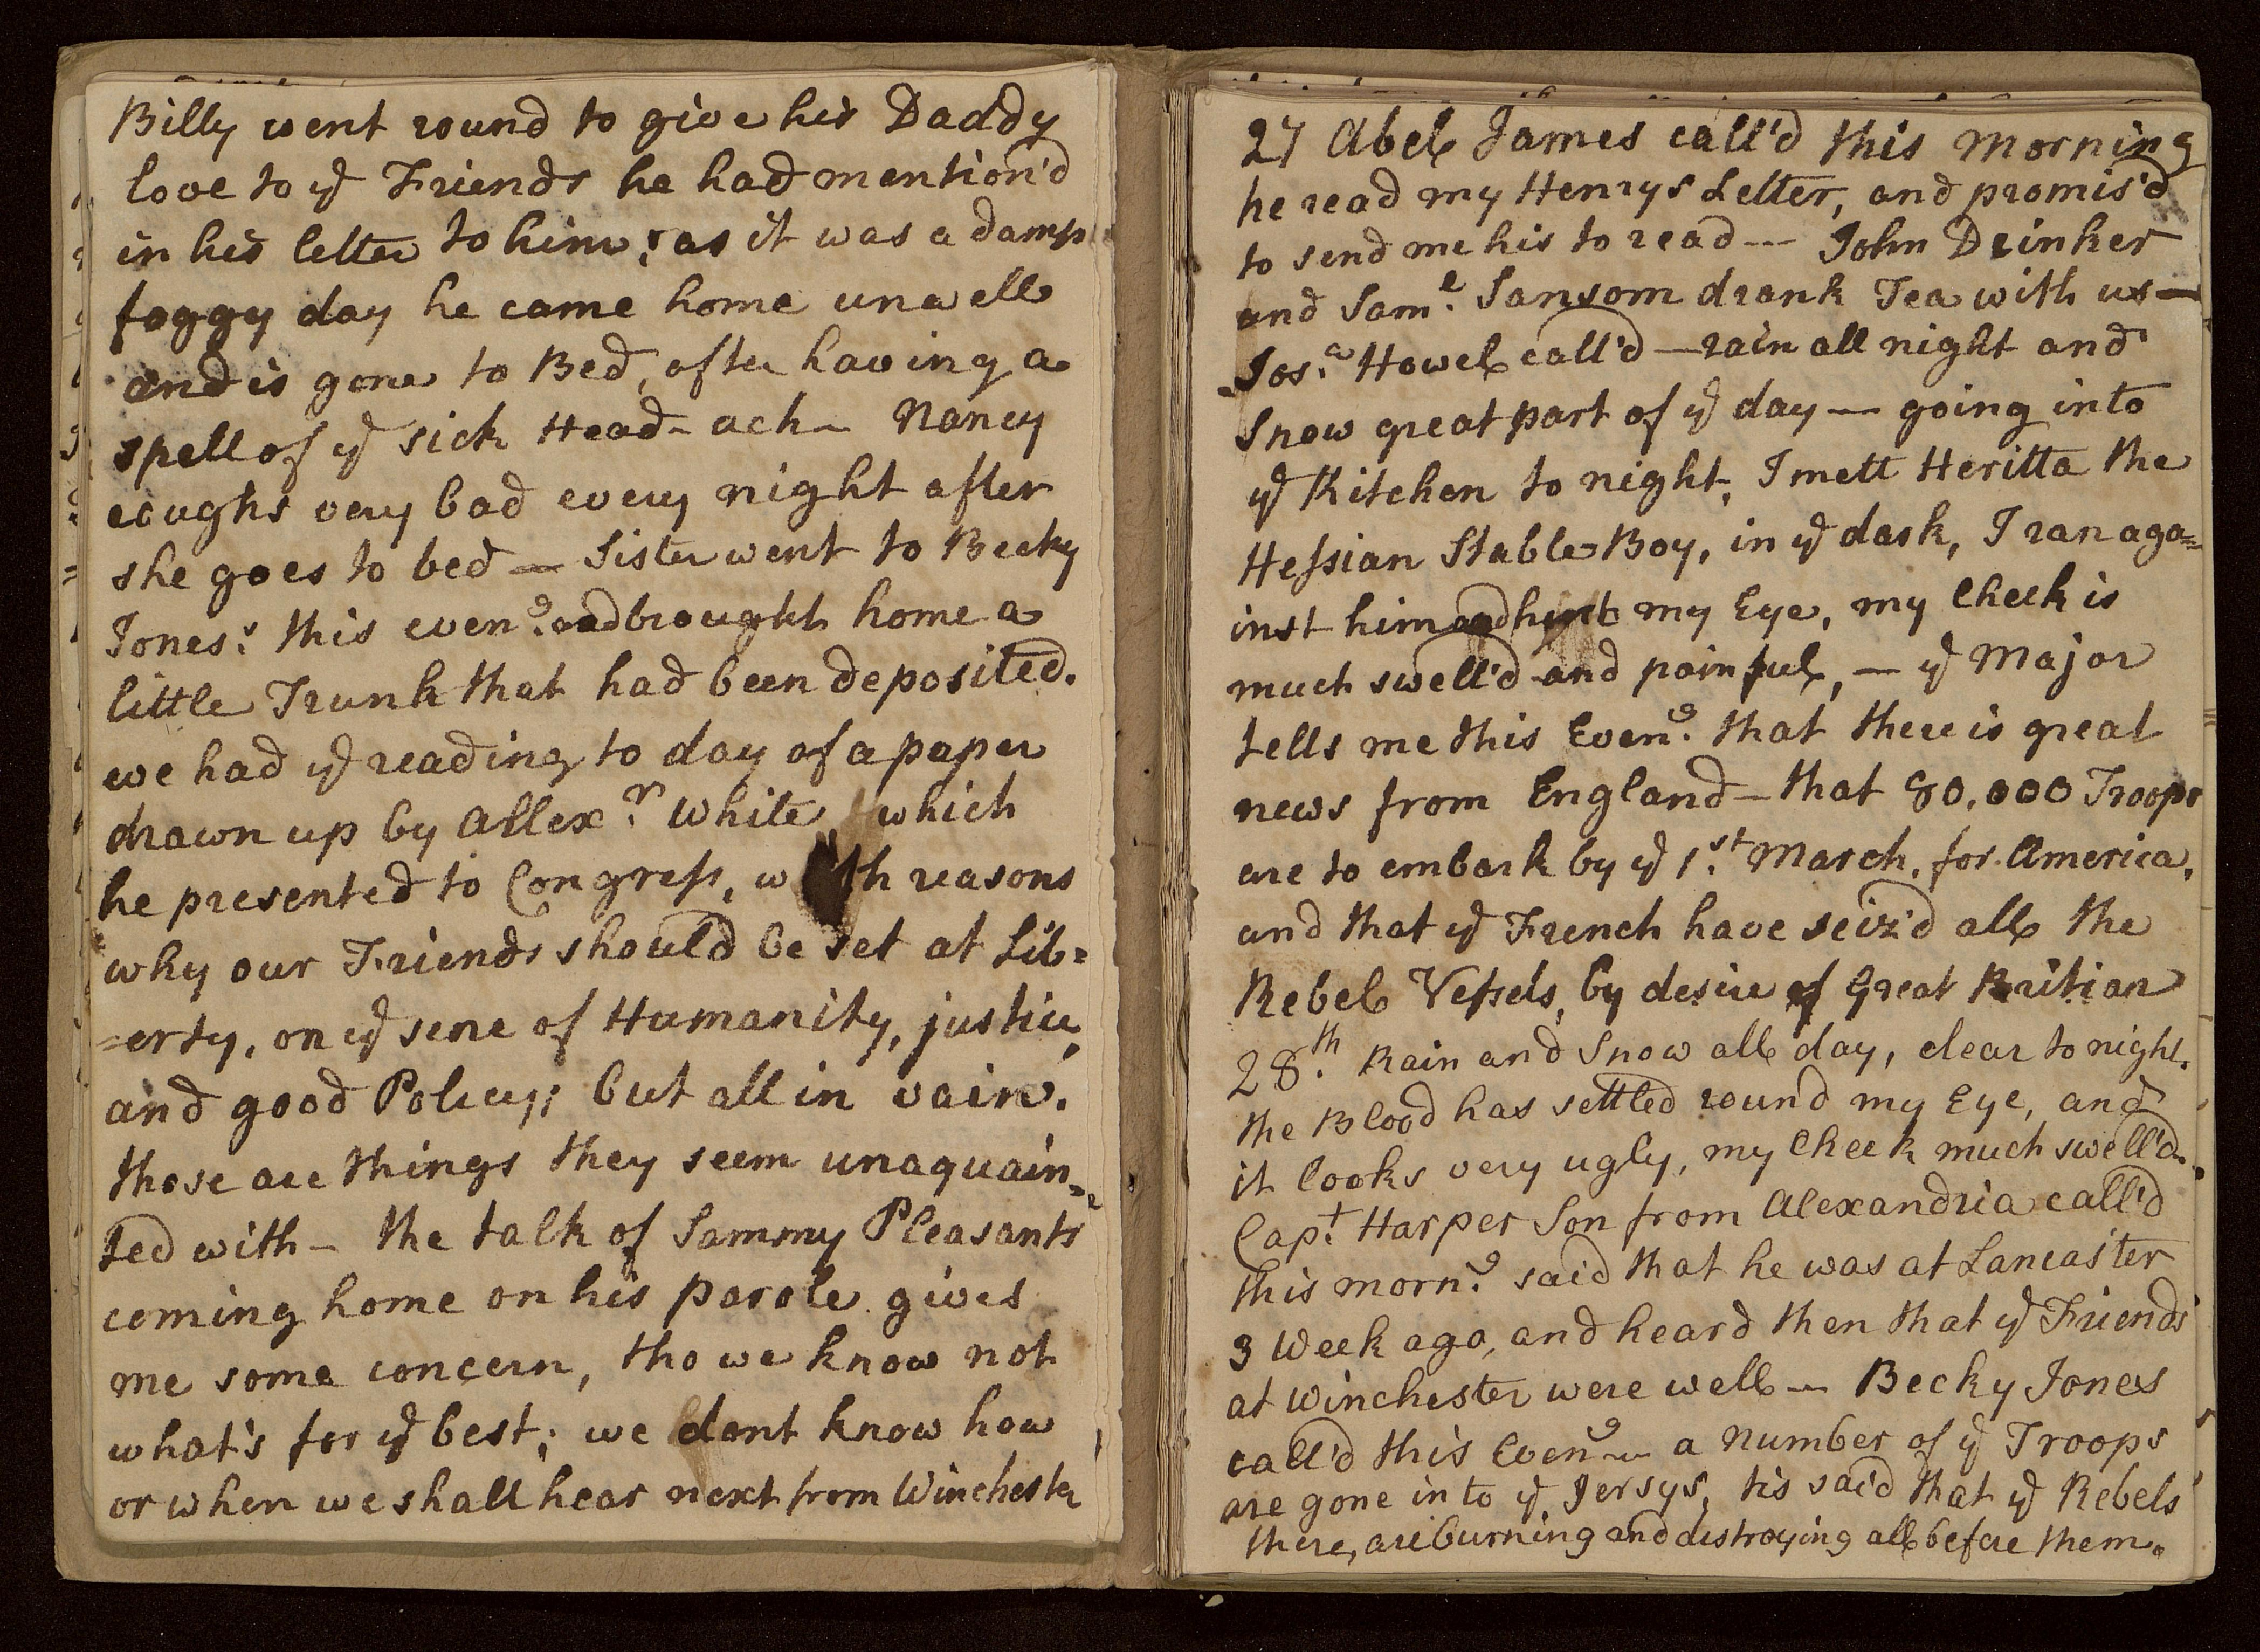Billy went round to give his Daddy
love to y^e Friends he had mention'd
in his letter to him; as it was a damp
foggy day he came home unwell
and is gone to Bed, after having a
spell of y^e sick Head-ach- Nancy
coughs very bad every night after
she goes to bed- Sister went to Becky
Jones^s. this even^g. and brought home a
little Trunk that had been deposited.
we had y^e reading to day of a paper
drawn up by Allex^r. White which
he presented to Congress, with reasons
why our Friends should be set at Lib-
-erty, on y^e sene of Humanity, justice,
and good Policy; but all in vain.
those are things they seem unaquain-
ted with- the talk of Sammy Pleasants
coming home on his parole gives
me some concern, tho we know not
what's for y^e best; we dont know how
or when we shall hear next from Winchester
27 Abel James call'd this morning
he read my Henrys Letter, and promis'd
to send me his to read-- John Drinker
and Sam^l. Sansom drank Tea with us-
Jos^a. Howel call'd- rain all night and
Snow great part of y^e day- going into
y^e Kitchen to night, I mett Heritta the
Hessian Stable Boy, in y^e dark, I ran aga-
inst him and hurt my Eye, my Cheek is
much swell'd and painful,- y^e Major
tells me this Even^g. that there is great
news from England- that 80,000 Troops
are to embark by y^e 1^st. march, for America,
and that y^e French have seiz'd all the
Rebels Vessels, by desire of Great Britian
28^th. Rain and Snow all day, clear to night.
the Blood has settled round my Eye, and
it looks very ugly, my cheek much swell'd.
Cap^t. Harper Son from Alexandria call'd
this morn^g. said that he was at Lancaster
3 Week ago, and heard then that y^e Friends
at Winchester were well- Becky Jones
call'd this Even^g- a number of y^e Troops
are gone in to y^e Jersys, tis said that y^e Rebels
there, are burning and distroying all before them.